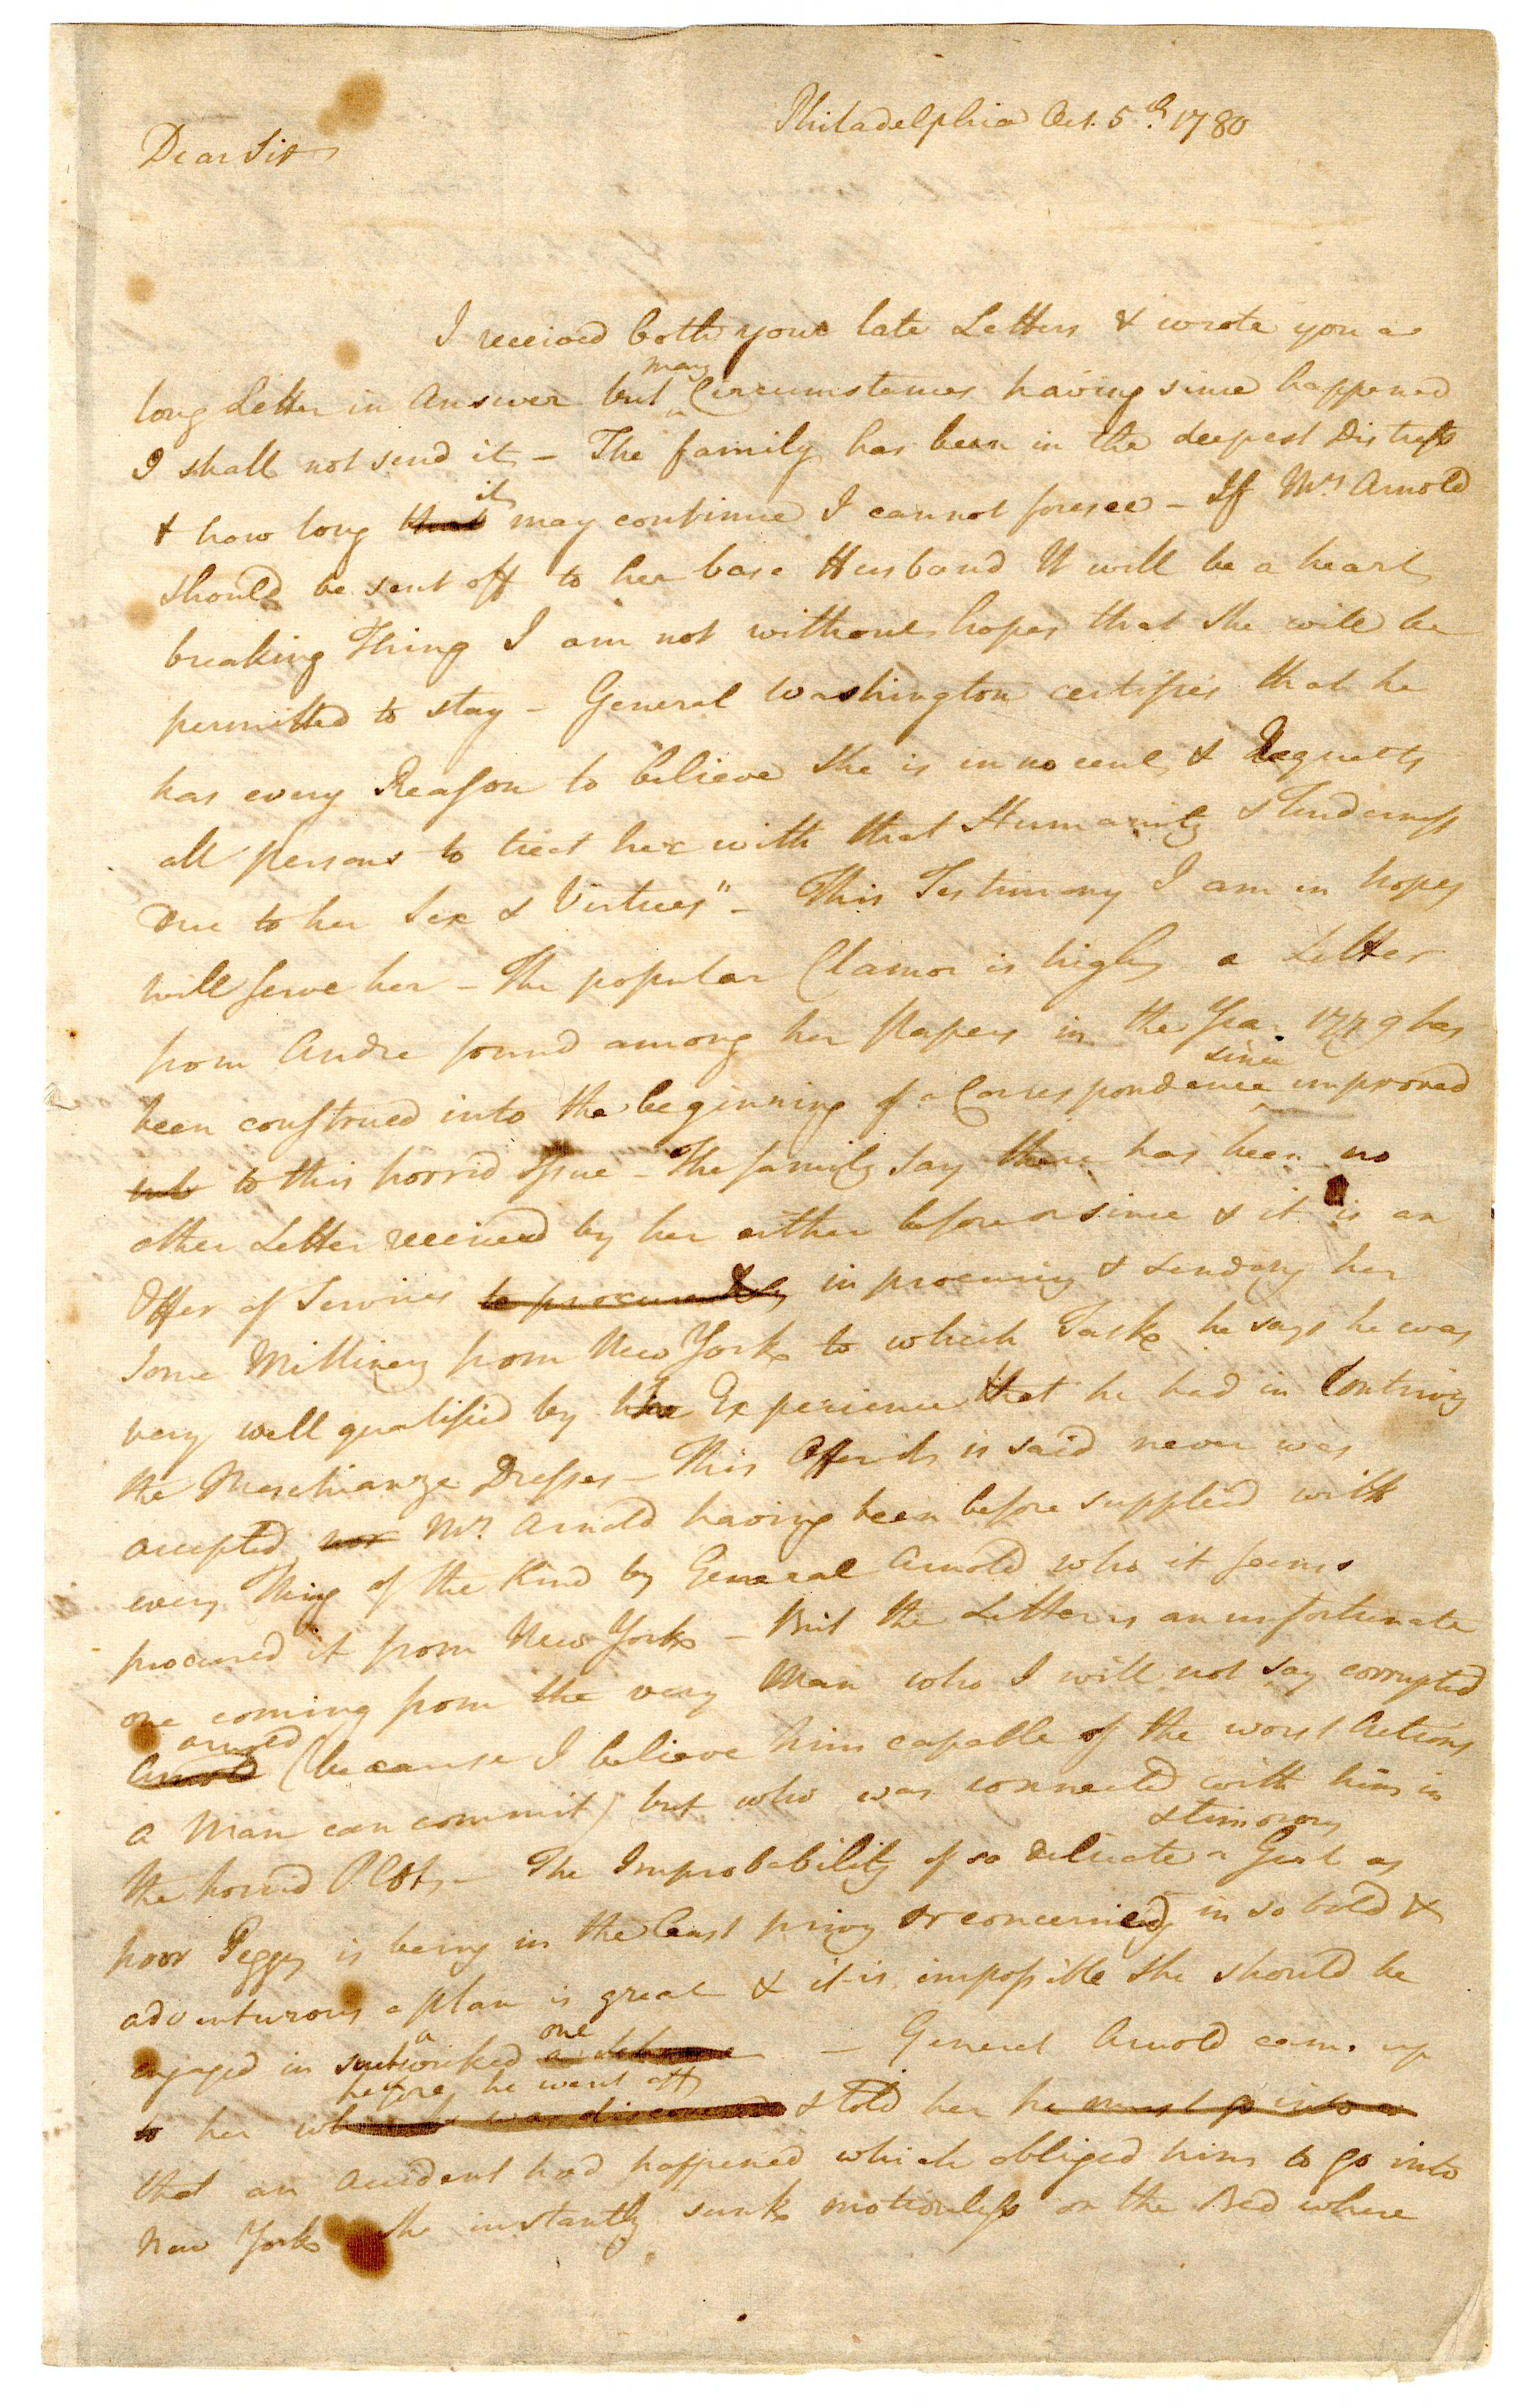Philadelphia Oct. 5^th. 1780
Dear Sir
I received both your late Letters & wrote you a
long Letter in Answer but Circumstances having since happened
I shall not send it. The family has been in the deepest Distress
& how long that ^ may confine I cannot foresee. If M^rs. Arnold
it
should be sent off to her base Husband It will be a heart
breaking Thing I am not without hope that she will be
permitted to stay. General Washington certifies that he
has every Reason to believe she is innocent & Requests
all persons to treat her with that Humanity & Tenderness
due to her Sex & Virtues."- This Testimony I am in hope
will serve her. The popular Clamor is high a Letter
from Andre found among her Papers in the Year 1779 has
since
been construed into the beginning of a Correspondence improved
not to this horrid Issue. The family say there has been no
other Letter received by her other before since & it is an
Offer of Services to procure & in procuring & Lending her
Sone Milliney from New York to which Jack he says he was
very ell qualified by the Experience that he had in Contriving
the Machianze Dresses. This Offer it is said never was
accepted nor M^rs. Arnold having been before supplied with
every thing of the Kind by Genaral Arnold who it seems
procured it from New York. But the Letters an unfortunate
one coming from the very Man who I will not say corrupted
owned
Arnold (because I believe him capable of the worst Actions
a Man can commit) but who was connected with him in
timorous
the horrid Plot. The Improbability of so delicate ^ Girl as
poor Peggy is being in the least privy or concerned in so bold &
adventurous a Man is great & it is impossible she should be
a
one
engaged in such ^ wicked ^ a [____]. General Arnold came up
before he went off
to her [which was discovered] & told her [he must go into]
that an accident had happened which obliged him to go into
New York she instantly into herself on the Bed where